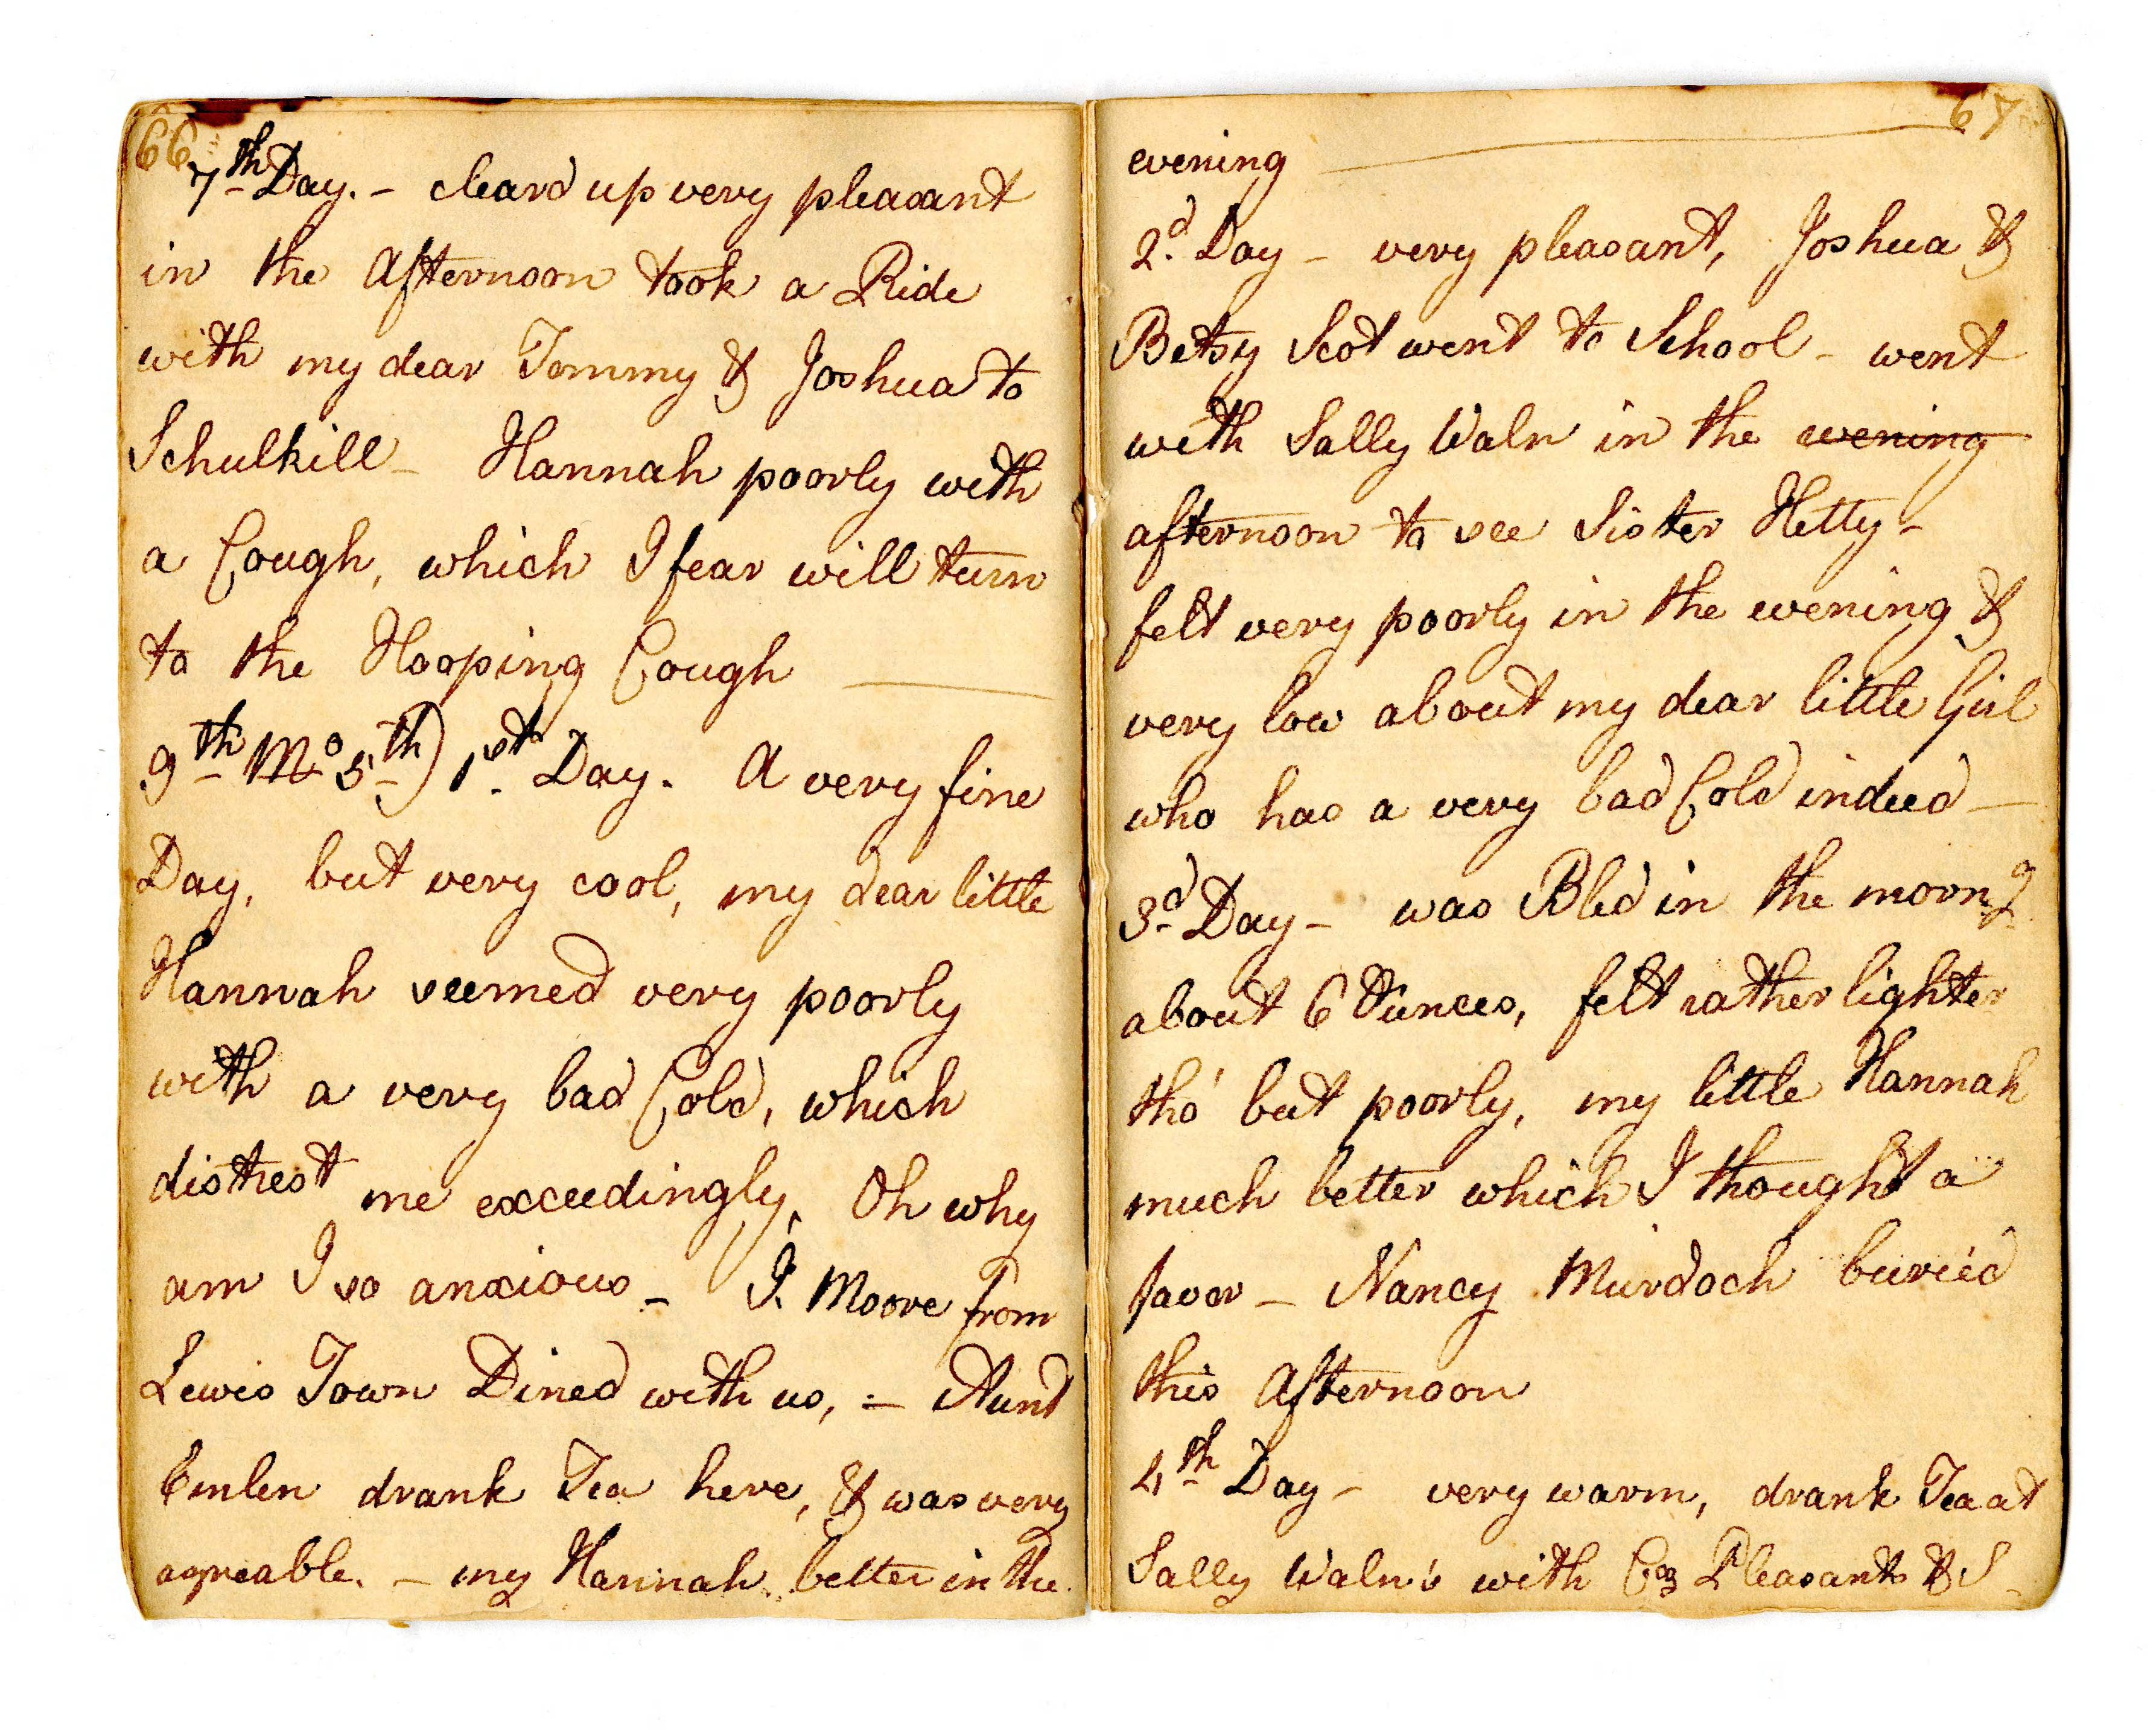66
7^th Day- cleard up very pleasant
in the Afternoon took a Ride
with my dear Tommy & Joshua to
Schulkill- Hannah poorly with
a Cough, which I fear will turn
to the Hooping Cough
9^th M^o 5^th) 1^st Day. A very fine
Day, but very cool, my dear little
Hannah seemed very poorly
with a very bad Cold, which
distrest me exceedingly, Oh why
am I so anxious- I. Moore from
Lewis Town Dined with us,- Aunt
Emlen drank Tea here, & was very
agreable,- my Hannah better in the
67
evening
2^d. Day- very pleasant, Joshua &
Betsy Scot went to School- went
with Sally Waln in the evening
afternoon to see Sister Hetty-
felt very poorly in the evening &
very low about my dear little Girl
who has a very bad Cold indeed
3^d. Day- was Bled in the morn^g
about 6 Ounces, felt rather lighter
tho' but poorly, my little Hannah
much better which I thought a
favor- Nancy Murdoch buried
this Afternoon
4^th Day- very warm, drank Tea at
Sally Waln's with Coz Pleasants & S